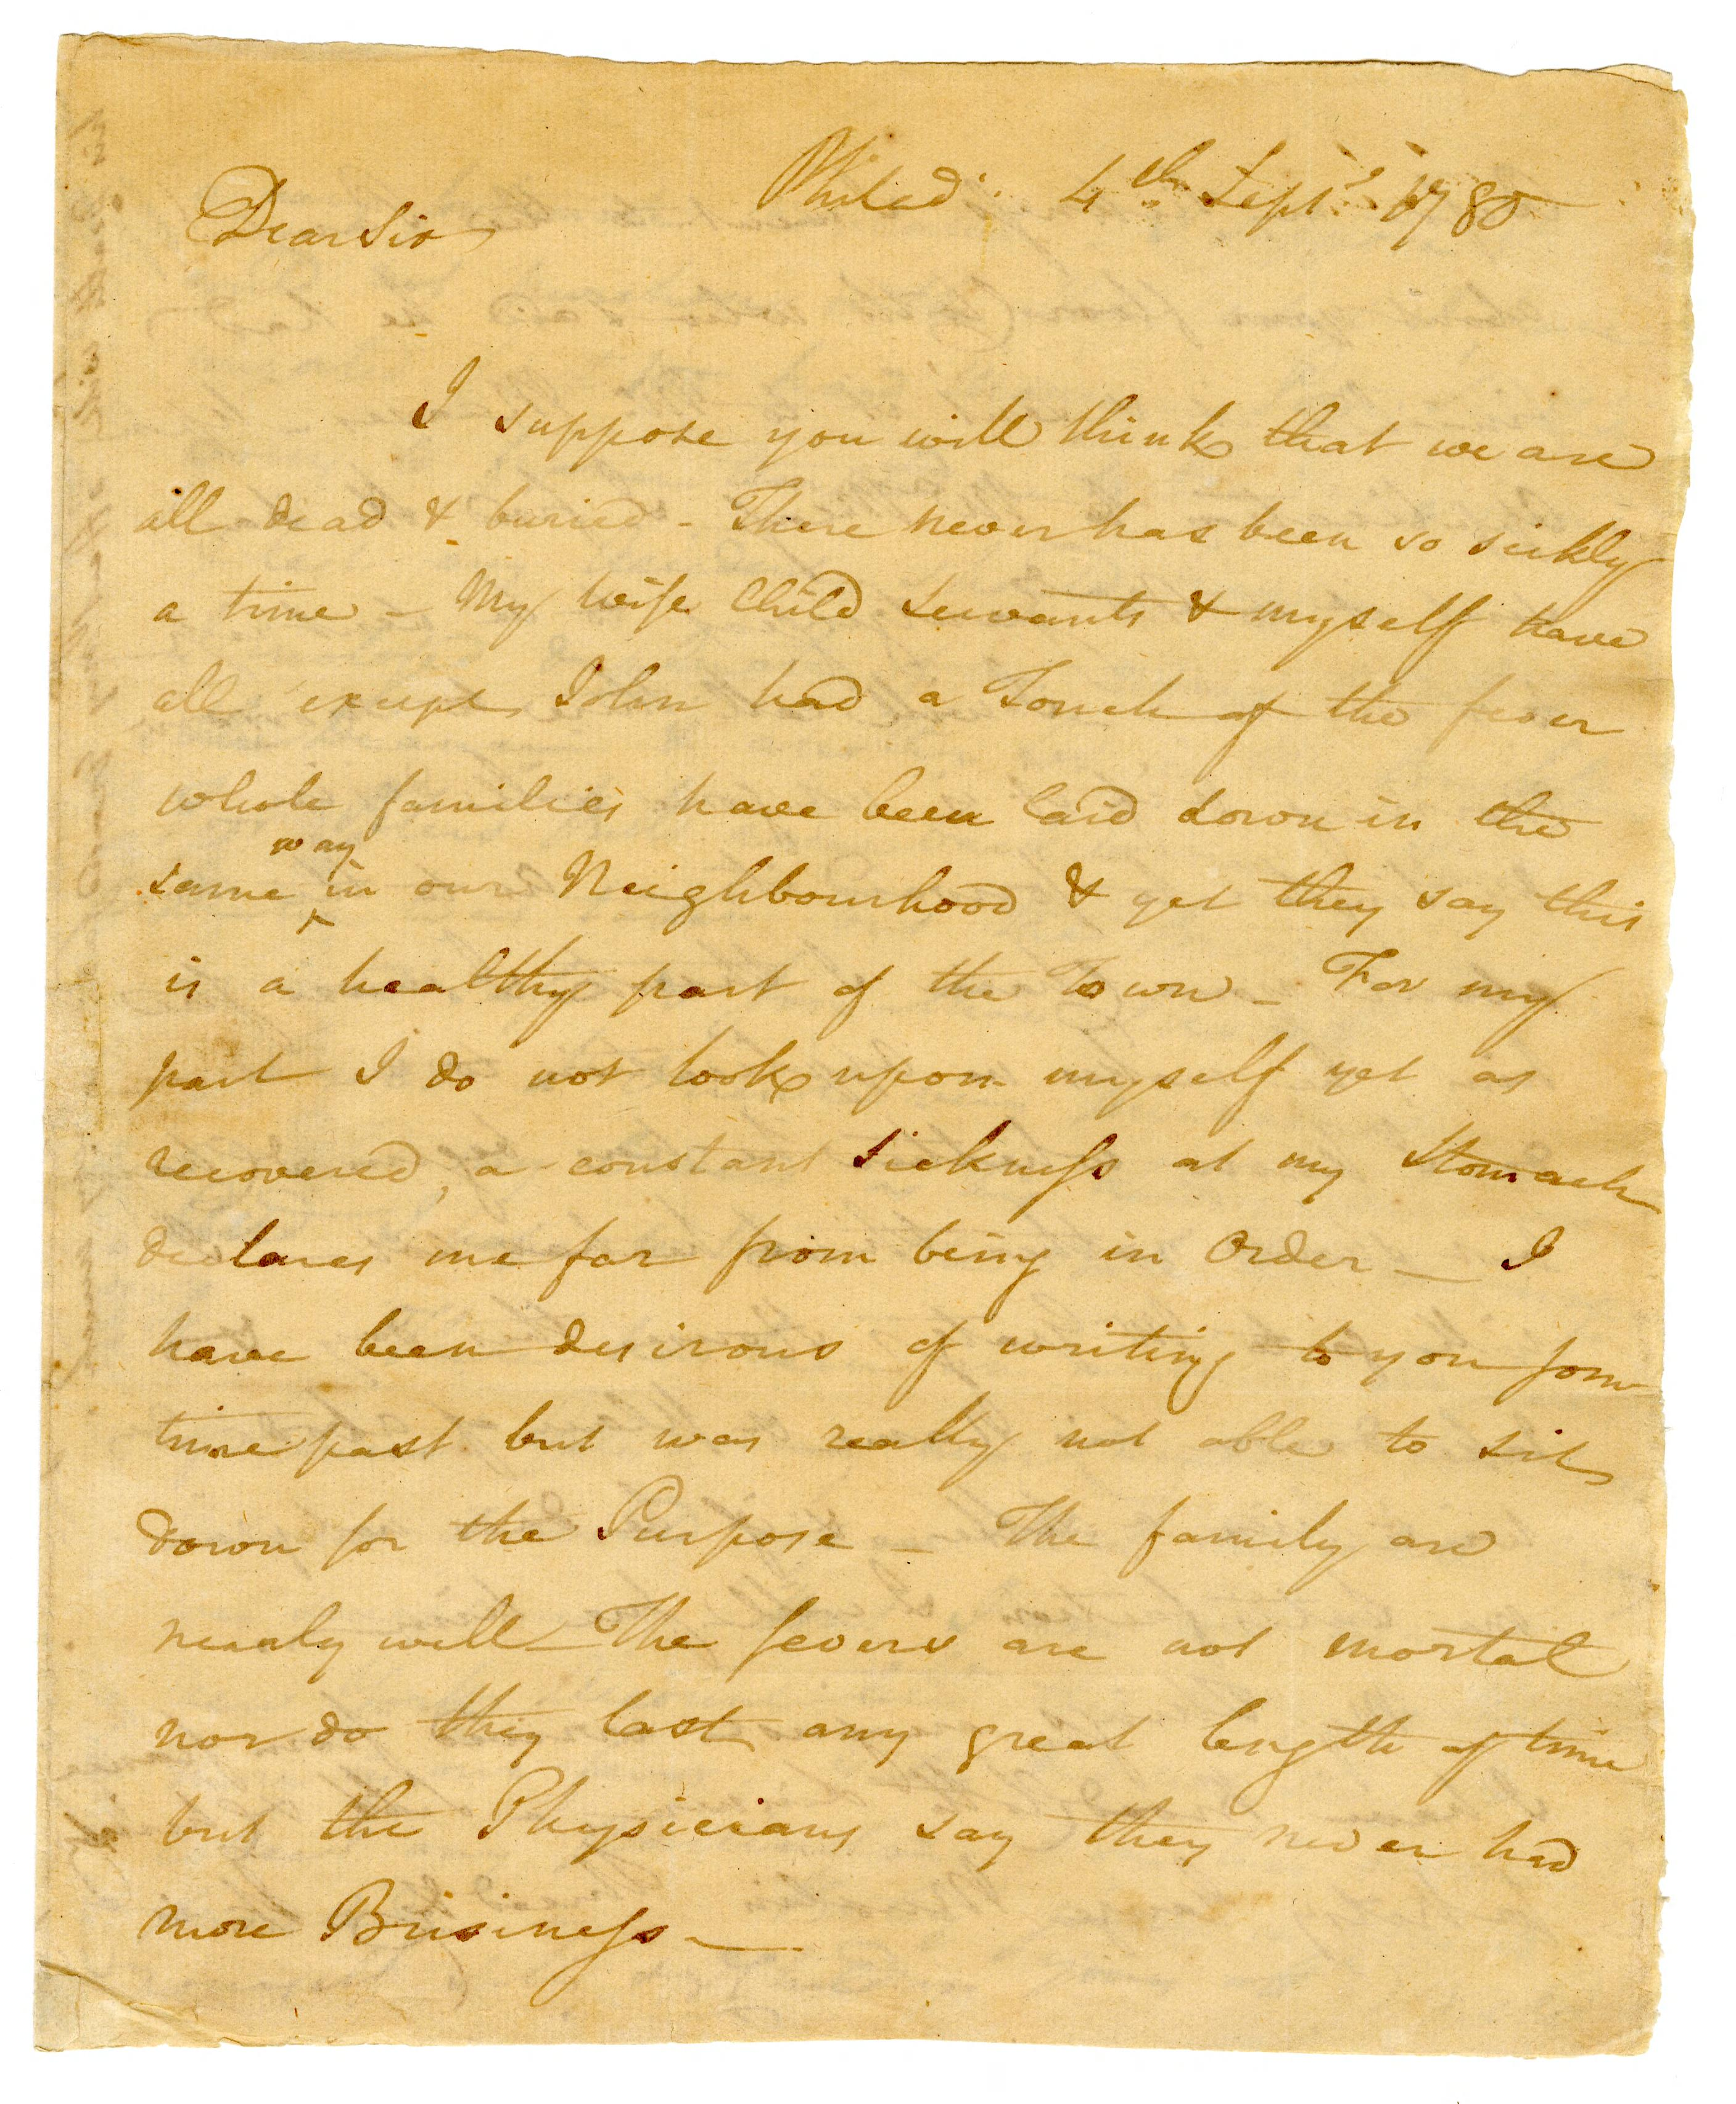Philad^a 4^th. Sept^r. 1780
Dear Sir
I suppose you will think that we are
ill dead & buried. There never has been so sickly
a time. My wife child servants & myself have
all except John had a Touch of the fever
whole families have been laid down in the
way
same ^ in our Neighbourhood & yet they say this
is a healthy part of the Town. For my
part I do not look upon myself yet as
recovered a constant sickness at my Stomach
declares me far from being in Order. I
have been desirous of writing to you some
time past but was really not able to sit
down for the Purpose. The family are
really well. The fevers are not mortal
nor do they last any great length of time
but the Physicians say they never had
more Business.